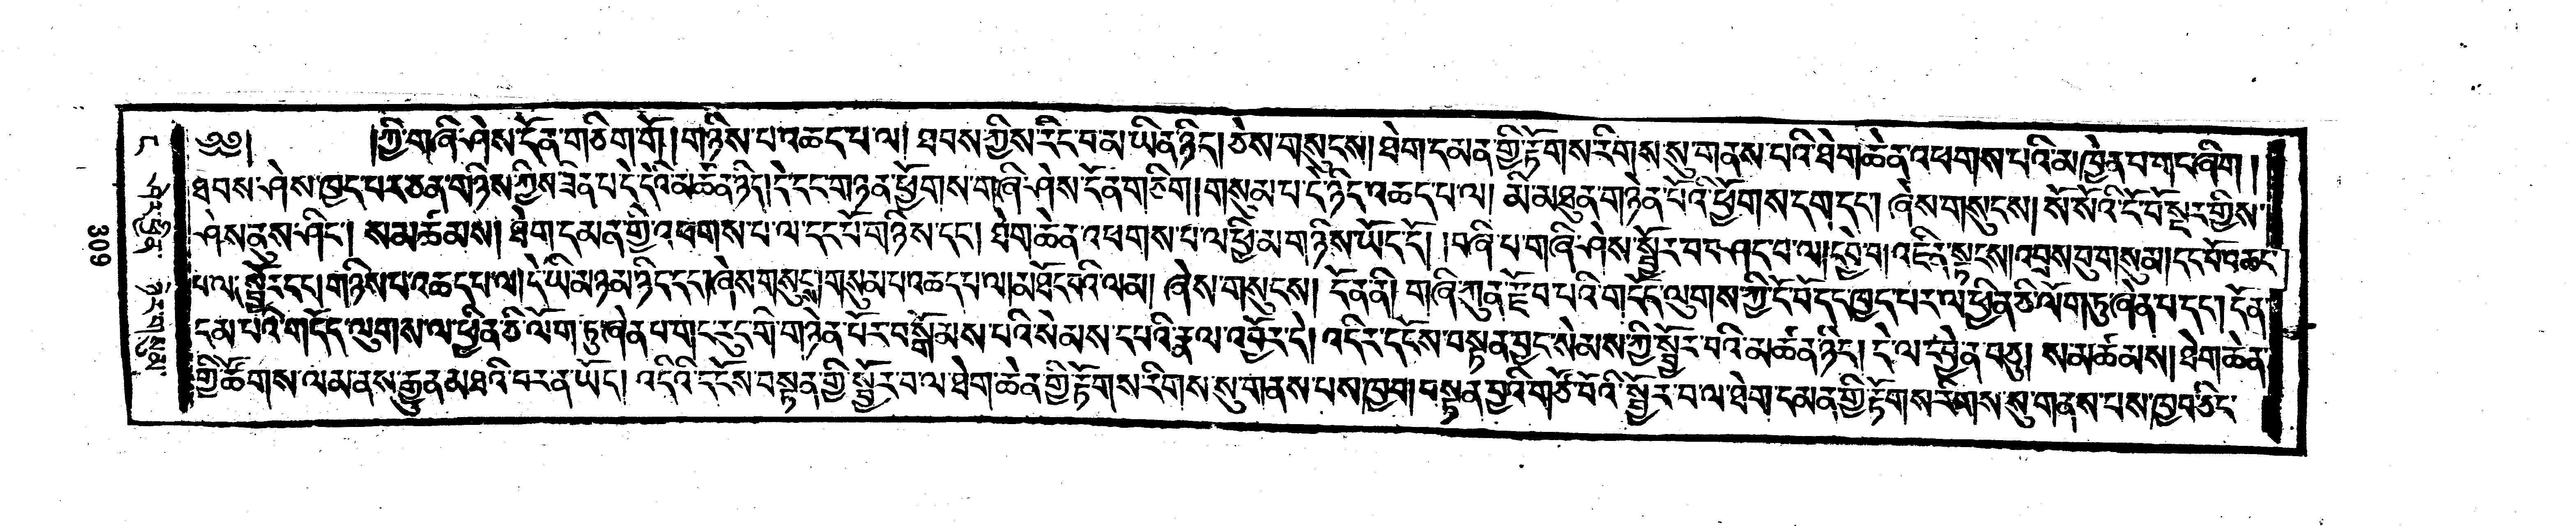༄༅། །ཀྱི་གཞི་ཤེས་དོན་གཅིག་གོ །གཉིས་པ་འཆད་པ་ལ། ཐབས་ཀྱིས་རིང་བ་མ་ཡིན་ཉིད། ཅེས་གསུངས། ཐེག་དམན་གྱི་རྟོགས་རིགས་སུ་གནས་པའི་ཐེག་ཆེན་འཕགས་པའི་མཁྱེན་པ་གང་ཞིག །
ཐབས་ཤེས་ཁྱད་པར་ཅན་གཉིས་ཀྱིས་ཟིན་པ་དེ་དེའི་མཚན་ཉིད། དེ་དང་གཉེན་ཕྱོགས་གཞི་ཤེས་དོན་གཅིག །གསུམ་པ་དེ་ཉིད་འཆད་པ་ལ། མི་མཐུན་གཉེན་པོའི་ཕྱོགས་དག་དང་། ཞེས་གསུངས། སོ་སོའི་ངོ་བོ་སྔར་གྱིས་
ཤེས་ནུས་ཤིང་། ས་མཚམས། ཐེག་དམན་གྱི་འཕགས་པ་ལ་དང་པོ་གཉིས་དང་། ཐེག་ཆེན་འཕགས་པ་ལ་ཕྱི་མ་གཉིས་ཡོད་དེ། །བཞི་པ་གཞི་ཤེས་སྦྱོར་བ་བཤད་པ་ལ། དབྱེ་བ། འཛིན་སྟངས། འབྲས་བུ་གསུམ། དང་པོ་འཆད་
པ་ལ༑ སྦྱོར་དང་། གཉིས་པ་འཆད་པ་ལ། དེ་ཡི་མཉམ་ཉིད་དང་། ཞེས་གསུངས། གསུམ་པ་འཆད་པ་ལ། མཐོང་བའི་ལམ། ཞེས་གསུངས། དོན་ནི། གཞི་ཀུན་རྫོབ་པའི་གདོད་ལུགས་ཀྱི་ངོ་བོ་དང་ཁྱད་པར་ལ་ཕྱིན་ཅི་ལོག་ཏུ་ཞེན་པ་དང་། དོན་
དམ་པའི་གདོད་ལུགས་ལ་ཕྱིན་ཅི་ལོག་ཏུ་ཞེན་པ་གང་རུང་གི་གཉེན་པོར་བསྒོམས་པའི་སེམས་དཔའི་རྣལ་འབྱོར་དེ། འདིར་དངོས་བསྟན་བྱང་སེམས་ཀྱི་སྦྱོར་བའི་མཚན་ཉིད། དེ་ལ་དབྱེ་ན་བཅུ། ས་མཚམས། ཐེག་ཆེན་
གྱི་ཚོགས་ལམ་ནས་རྒྱུན་མཐའི་བར་ན་ཡོད། འདིའི་དངོས་བསྟན་གྱི་སྦྱོར་བ་ལ་ཐེག་ཆེན་གྱི་རྟོགས་རིགས་སུ་གནས་པས་ཁྱབ། བསྟན་བྱའི་གཙོ་བོའི་སྦྱོར་བ་ལ་ཐེག་དམན་གྱི་རྟོགས་རིགས་སུ་གནས་པས་ཁྱབ་ཅིང་